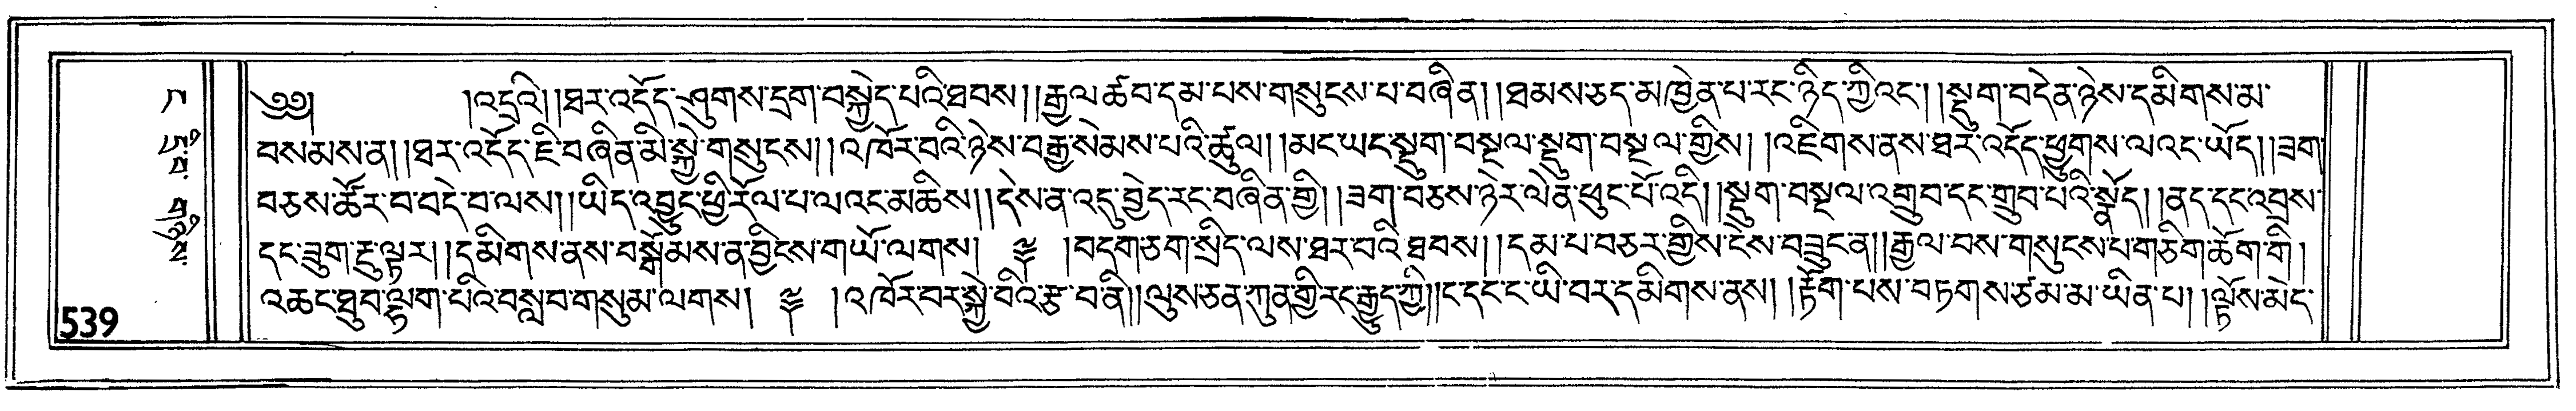༄༅། །འདྲའི། །ཐར་འདོད་ཤུགས་དྲག་བསྐྱེད་པའི་ཐབས། །རྒྱལ་ཚབ་དམ་པས་གསུངས་པ་བཞིན། །ཐམས་ཅད་མཁྱེན་པ་རང་ཉིད་ཀྱིའང་། །སྡུག་བདེན་ཉེས་དམིགས་མ་
བསམས་ན། །ཐར་འདོད་ཇི་བཞིན་མི་སྐྱེ་གསུངས། །འཁོར་བའི་ཉེས་བརྒྱ་སེམས་པའི་ཚུལ། །མང་ཡང་སྡུག་བསྔལ་སྡུག་བསྔལ་གྱིས། །འཇིགས་ནས་ཐར་འདོད་ཕྱུགས་ལའང་ཡོད། །ཟག་
བཅས་ཚོར་བ་བདེ་བ་ལས། །ཡིད་འབྱུང་ཕྱི་རོལ་པ་ལའང་མཆིས། །དེས་ན་འདུ་བྱེད་རང་བཞིན་གྱི། །ཟག་བཅས་ཉེར་ལེན་ཕུང་པོ་འདི། །སྡུག་བསྔལ་འགྲུབ་དང་གྲུབ་པའི་སྣོད། །ནད་དང་འབྲས་
དང་ཟུག་རྔུ་ལྟར། །དམིགས་ནས་བསྒོམས་ན་བྱིངས་གཡོ་ལགས། ༈ །བདག་ཅག་སྲིད་ལས་ཐར་བའི་ཐབས། །དམ་པ་བཅར་གྱིས་ངེས་བཟུང་ན། །རྒྱལ་བས་གསུངས་པ་གཅིག་ཆོག་གི །
འཆང་ཐུབ་ལྷག་པའི་བསླབ་གསུམ་ལགས། ༈ །འཁོར་བར་སྐྱེ་བའི་རྩ་བ་ནི། །ལུས་ཅན་ཀུན་གྱི་རང་རྒྱུད་ཀྱི། །ང་དང་ང་ཡི་བར་དམིགས་ནས། །རྟོག་པས་བཏགས་ཙམ་མ་ཡིན་པ། །ལྟོས་མེད་